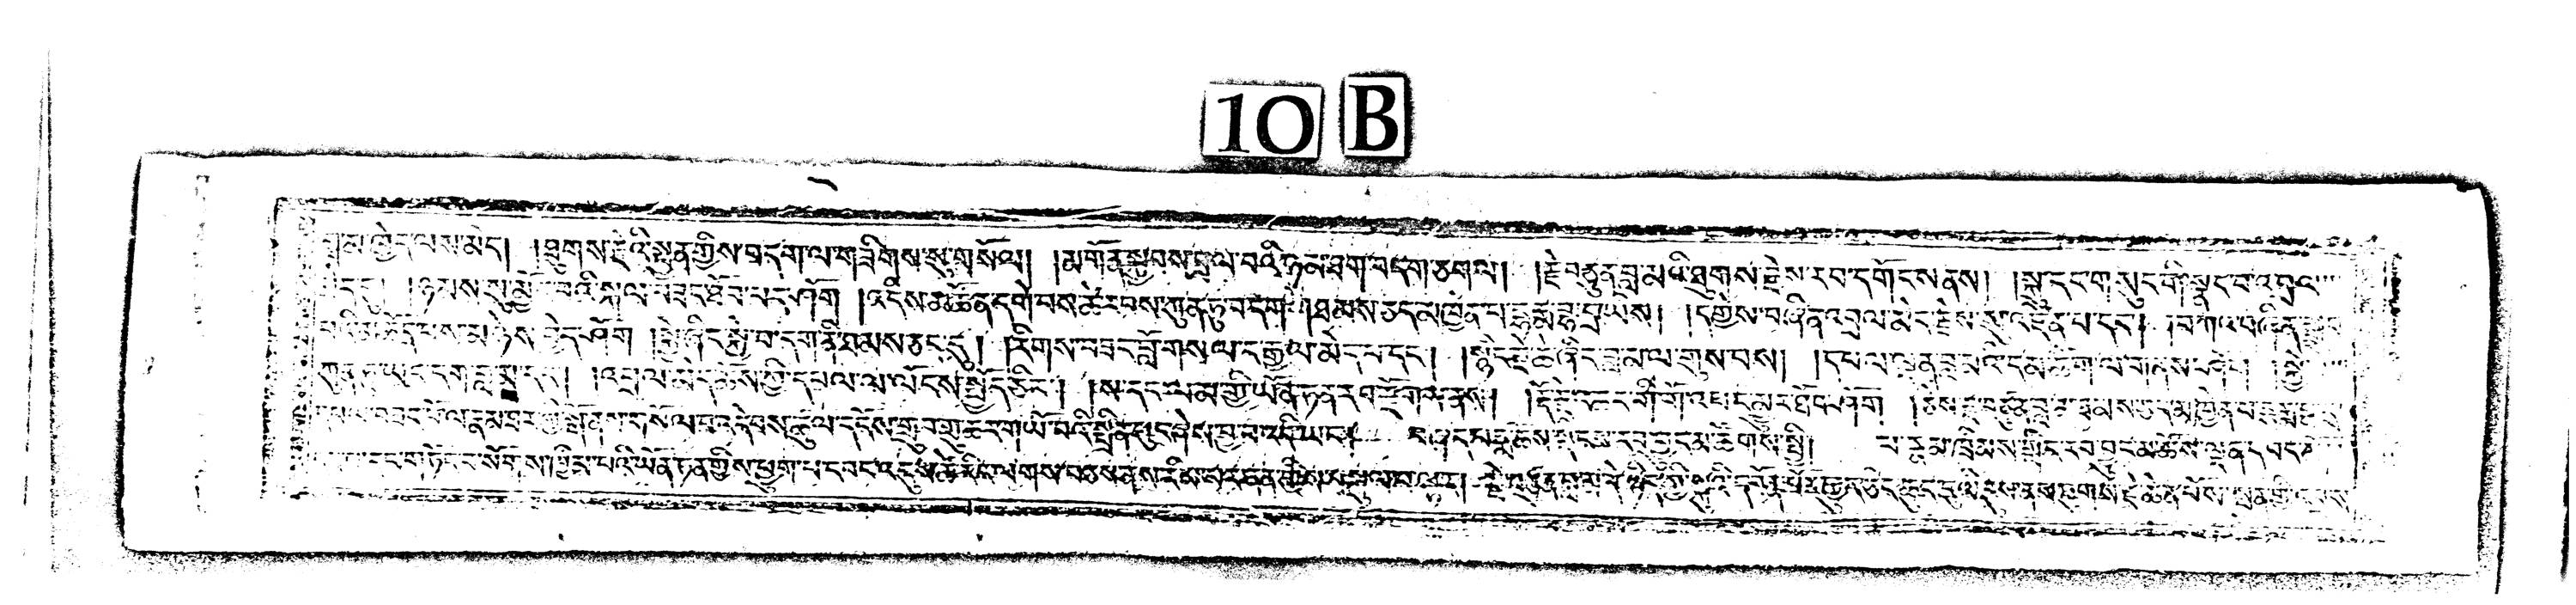བླ་མ་ཁྱེད་ལས་མེད། །ཐུགས་རྗེའི་སྤྱན་གྱིས་བདག་ལ་གཟིགས་སུ་གསོལ། །མགོན་སྐྱབས་བྲལ་བའི་ཉམ་ཐག་བདག་ཅག་ལ། །རྗེ་བཙུན་བླ་མའི་ཐུགས་རྗེས་རབ་དགོངས་ནས། །སྐུ་དང་གསུང་གི་སྣང་བ་འབྲལ་
མེད་དུ། །ཉམས་སུ་མྱོང་བའི་སྐལ་བཟང་ཐོབ་པར་ཤོག །འདིས་མཚོན་དགེ་བས་ཚེ་རབས་ཀུན་ཏུ་བདག །ཐམས་ཅད་མཁྱེན་པ་དྷརྨ་བྷ་དྲ་ཡིས། །དགྱེས་བཞིན་འབྲལ་མེད་རྗེས་སུ་འཛིན་པ་དང་། །བཀའ་བཞིན་སྒྲུབ་
པའི་མཆོད་པས་མཉེས་བྱེད་ཤོག །སྐྱེ་ཞིང་སྐྱེ་བ་དག་ནི་ཐམས་ཅད་དུ། །རིགས་བཟང་བློ་གསལ་ང་རྒྱལ་མེད་པ་དང་། །སྙིང་རྗེ་ཆེ་ཞིང་བླ་མ་ལ་གུས་པས། །དཔལ་ལྡན་བླ་མའི་དམ་ཚིག་ལ་གནས་ཤོག །སྐྱེ་བ་
ཀུན་ཏུ་ཡང་དག་བླ་མ་དང་། །འབྲལ་མེད་ཆོས་ཀྱི་དཔལ་ལ་ལོངས་སྤྱོད་ཅིང་། །ས་དང་ལམ་གྱི་ཡོན་ཏན་རབ་རྫོགས་ནས། །རྡོ་རྗེ་འཆང་གི་གོ་འཕང་མྱུར་ཐོབ་ཤོག །ཅེས་རྗེ་བཙུན་བླ་མ་ཐམས་ཅད་མཁྱེན་པ་དྷརྨ་བྷ་དྲ་
དཔལ་བཟང་པོ་ལ་རྣམ་ཐར་གྱི་སྒོ་ནས་གསོལ་བ་འདེབས་ཚུལ་དངོས་གྲུབ་གྲུ་ཆེར་གཡོ་བའི་སྤྲིན་ཕུང་ཞེས་བྱ་བ་འདི་ཡང་། བཞད་པདམ་ཆོས་སྡིངས་རབ་བྱུང་མ་ཚོགས་སྤྱི། ཕ་རྣམ་ཁྲིམས་གླིང་རབ་བྱུང་མ་ཆོས་ལྡན་དབང་མོ།
དད་པ་དང་གཏོང་བ་སོགས་ཁྱིམ་པའི་ཡོན་ཏན་གྱིས་ཕྱུག་པ་དབང་འདུས་ཚེ་རིང་ལགས་བཅས་ནས་རིམ་པར་ནན་གྱིས་བསྐུལ་བ་ལྟར། རྗེ་བཙུན་བླ་མ་དེ་ཉིད་ཀྱི་སྐུའི་དབོན་པོར་གྱུར་ཅིང་ཆུང་ངུའི་དུས་ནས་ཐུགས་རྗེ་ཆེན་པོས་སྤྱན་གྱི་འབྲས་